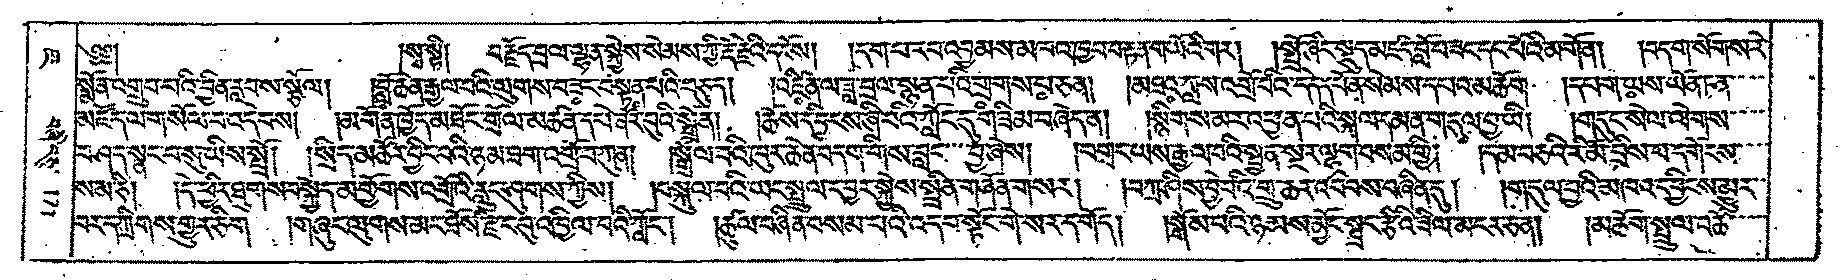༄༅། །སྭ་སྟི། བརྗོད་བྲལ་ལྷན་སྐྱེས་སེམས་ཀྱི་རྡོ་རྗེའི་དངོས། །དག་པ་རབ་འབྱམས་མཁའ་ཁྱབ་བརྟན་གཡོའི་གར། །སྤྲོ་ཞིང་སྡུད་མཛད་བློ་བཟང་དང་པོའི་མགོན། །བདག་སོགས་རེ་
སྨོན་འགྲུབ་པའི་བྱིན་རླབས་སྩོལ། །བློ་ཆེན་རྒྱལ་བའི་ལུགས་བཟང་བསྟན་པའི་བཅུད། །འཛིན་ལ་ཟླ་བྲལ་སྙན་པའི་གྲགས་པ་ཅན། །མཐའ་ཀླས་འགྲོ་བའི་དེད་དཔོན་སེམས་དཔའ་མཆོག། །དཔག་ཡས་ཡོན་ཏན་
མཛོད་ལ་གསོལ་བ་འདེབས། །མགོན་ཁྱོད་མཐོང་གྲོལ་མཚན་དཔེ་ནོར་བུའི་སྒྲོན། །ཆོས་དབྱིངས་ཞི་བའི་ཀློང་དུ་གཟིམ་བཞེད་ན། །སྙིགས་མར་འཕྱན་པའི་སྐལ་དམན་གདུལ་བྱ་ཡི། །གདུང་སེལ་ལེགས་
བཤད་སྣང་བ་སུ་ཡིས་སྤྲོ། །སྲིད་མཚོར་བྱིང་བའི་ཉམ་ཐག་འགྲོ་བ་ཀུན། །སྒྲོལ་བའི་ཁུར་ཆེན་བདག་གིས་བླང་བྱ་ཞེས། །བགྲང་ཡས་རྒྱལ་བའི་སྤྱན་སྔར་ལྷག་བསམ་གྱི། །དམ་བཅའི་རི་མོ་བྲིས་པ་དགོངས་
སམ་ཅི། །དེ་ཕྱིར་ཐུགས་བསྐྱེད་མགྱོགས་འགྲོའི་རླུང་ཤུགས་ཀྱིས། །བསྐུལ་བའི་ཡང་སྤྲུལ་དབྱར་སྐྱེས་སྤྲིན་གཞོན་གསར། །བཀྲ་ཤིས་བྱེ་བའི་གྲུ་ཆར་འབེབས་བཞིན་དུ། །གདུལ་བྱའི་མཁའ་དབྱིངས་མྱུར་
བར་དཀྲིགས་གྱུར་ཅིག །གཞུང་ལུགས་མང་ཐོས་རྫིང་བུ་འཁྱིལ་བའི་ཀློང་། །ཚུལ་བཞིན་བསམ་པའི་འདབ་སྟོང་གེ་སར་དགོད། །སྒོམ་པའི་ཉམས་མྱོང་སྦྲང་རྩིའི་ཟིལ་མངར་ཅན། མཆོག་སྤྲུལ་འཚོ་